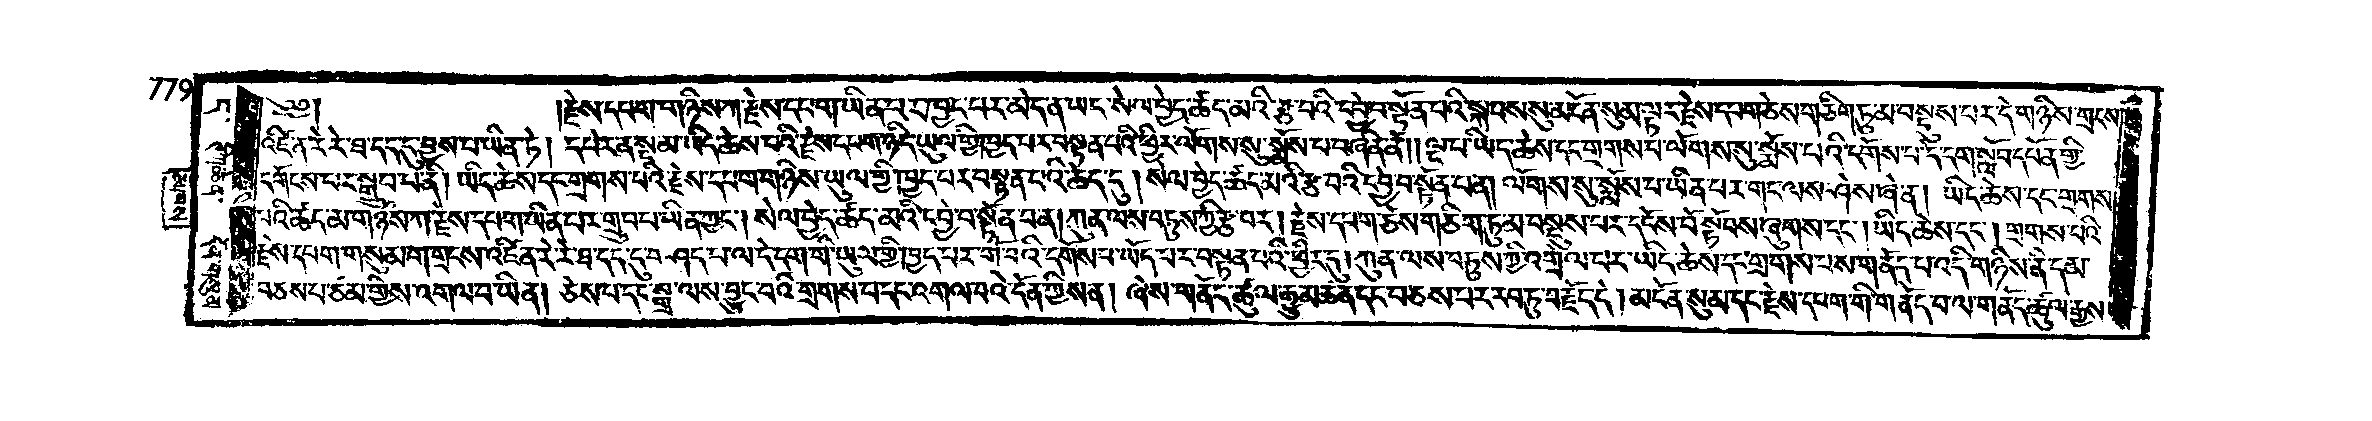༄༅། །རྗེས་དཔག་གཉིས་ཀ་རྗེས་དཔག་ཡིན་པར་ཁྱད་པར་མེད་ན་ཡང་སེལ་བྱེད་ཚད་མའི་རྩ་བའི་དབྱེ་བ་སྟོན་པའི་སྐབས་སུ་མངོན་སུམ་ལྟར་རྗེས་དཔག་ཅེས་གཅིག་ཏུ་མ་བསྡུས་པར་དེ་གཉིས་གྲངས་
འཛིན་རེ་རེ་ཐ་དད་དུ་བྱས་པ་ཡིན་ཏེ། དཔེར་ན་སྔ་མ་ཡིད་ཆེས་པའི་རྗེས་དཔག་ཉིད་ཡུལ་གྱི་ཁྱད་པར་བསྟན་པའི་ཕྱིར་ལོགས་སུ་སྨོས་པ་བཞིན་ནོ། །ལྔ་བ་ཡིད་ཆེས་དང་གྲགས་པ་ལོགས་སུ་སྨོས་པའི་དགོས་པ་དེ་དག་སློབ་དཔོན་གྱི་
དགོངས་པར་སྒྲུབ་པ་ནི། ཡིད་ཆེས་དང་གྲགས་པའི་རྗེས་དཔག་གཉིས་ཡུལ་གྱི་ཁྱད་པར་བསྟན་པའི་ཆེད་དུ། སེལ་བྱེད་ཚད་མའི་རྩ་བའི་དབྱེ་བ་སྟོན་པ་ན། ལོགས་སུ་སྨོས་པ་ཡིན་པར་གང་ལས་ཤེས་ཞེ་ན། ཡིད་ཆེས་དང་གྲགས་
པའི་ཚད་མ་གཉིས་ཀ་རྗེས་དཔག་ཡིན་པར་གྲུབ་པ་ཡིན་ཀྱང་། སེལ་བྱེད་ཚད་མའི་དབྱེ་བ་སྟོན་པ་ན། ཀུན་ལས་བཏུས་ཀྱི་རྩ་བར། རྗེས་དཔག་ཅེས་གཅིག་ཏུ་མ་བསྡུས་པར་དངོས་པོ་སྟོབས་ཞུགས་དྣག། ཡིད་ཆེས་དྣག། གྲངས་པའི་
རྗེས་དཔག་གསུམ་ག་གྲངས་འཛིན་རེ་རེ་ཐ་དད་དུ་བཤད་པ་ལ་དེ་དག་གི་ཡུལ་གྱི་ཁྱད་པར་གོ་བའི་དགོས་པས་ཡོད་པར་བསྟན་པའི་ཕྱིར་དུ། ཀུན་ལས་བཏུས་ཀྱི་འགྲེལ་པར་ཡིད་ཆེས་དང་གྲངས་པས་གནོད་པར་འདི་གཉིས་ནི་དམ་
བཅས་པ་ཙམ་གྱིས་འགལ་བ་ཡིན། ཅེས་པ་དང་སྒྲ་ལས་བྱུང་བའི་གྲགས་པ་དང་འགལ་བའི་དོན་གྱིས་ན། ཞེས་གནོད་ཚུལ་རྒྱུ་མཚན་དང་བཅས་པར་རབ་ཏུ་བརྗོད་དེ། མངོན་སུམ་དང་རྗེས་དཔག་གི་གནོད་པ་ལ་གནོད་ཚུལ་རྒྱས་